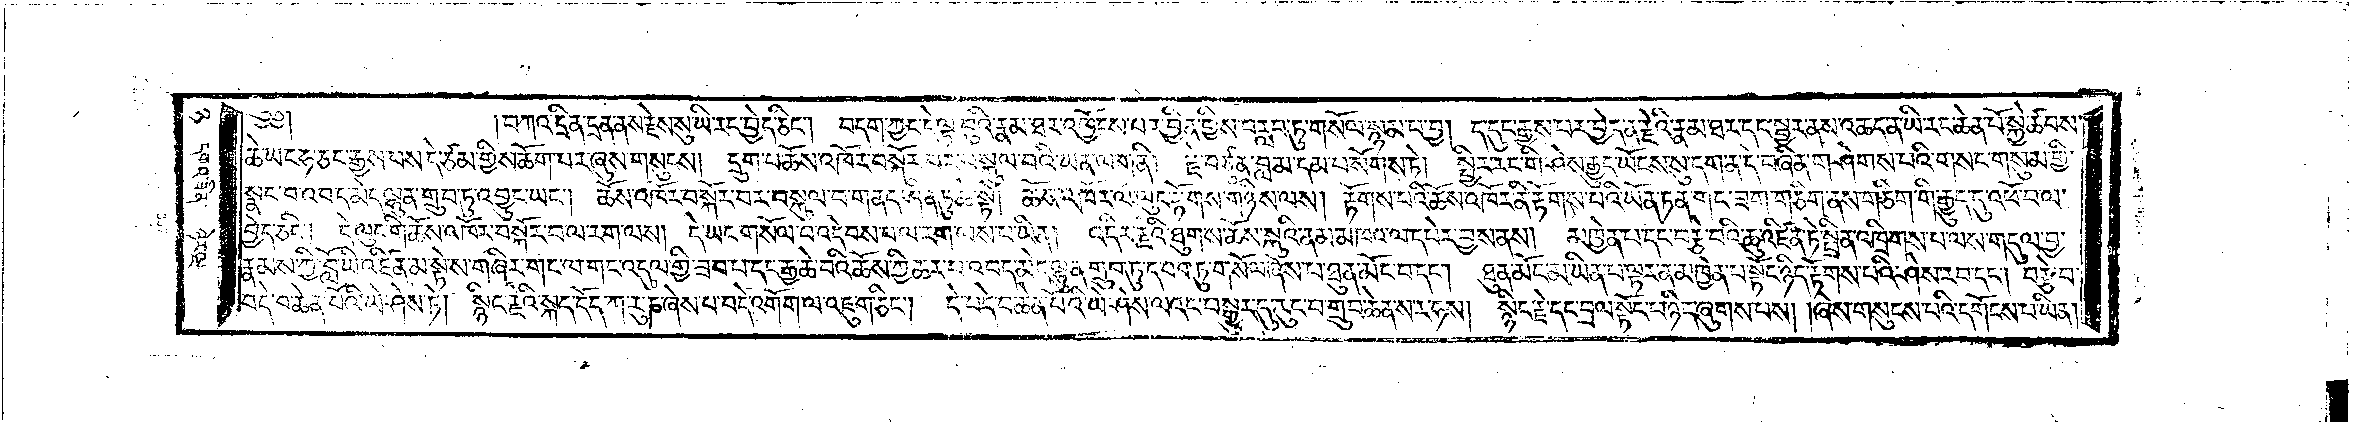༄༅། །བཀའ་དྲིན་དྲན་ནས་རྗེས་སུ་ཡི་རང་བྱེད་ཅིང་། བདག་ཀྱང་དེ་ལྟ་བུའི་རྣམ་ཐར་འཁྱོངས་པར་བྱིན་གྱིས་བརླབ་ཏུ་གསོལ་སྙམ་པ་བྱ། ད་དུང་རྒྱས་པར་བྱེད་ན་རྗེའི་རྣམ་ཐར་དང་སྦྱར་ནས་འཆད་ན་ཡི་རང་ཆེན་པོ་སྐྱེ་ཚབས་
ཆེ་ཡང་ཧ་ཅང་རྒྱས་པས་དེ་ཙམ་གྱིས་ཆོག་པར་ཞུས་གསུངས། དྲུག་པ་ཆོས་འཁོར་བསྐོར་བར་བསྐུལ་བའི་ཡན་ལག་ནི། རྗེ་བཙུན་བླ་མ་དམ་པ་སོགས་ཏེ། སྤྱིར་རང་གི་ཤེས་རྒྱུད་ཡོངས་སུ་དག་ན་དེ་བཞིན་གཤེགས་པའི་གསང་གསུམ་གྱི་
སྣང་བ་འབད་མེད་ལྷུན་གྲུབ་ཏུ་འབྱུང་ཡང་། ཆོས་འཁོར་བསྐོར་བར་བསྐུལ་བ་གནད་ཤིན་ཏུ་ཆེ་སྟེ། ཆོས་འཁོར་ལ་ལུང་རྟོགས་གཉིས་ལས། རྟོགས་པའི་ཆོས་འཁོར་ནི་རྟོགས་པའི་ཡོན་ཏན་གང་ཟག་གཅིག་ནས་གཅིག་གི་རྒྱུད་དུ་འཕོ་བ་ལ་
བྱེད་ཅིང་། དེ་ལུང་གི་ཆོས་འཁོར་བསྐོར་བ་ལ་རག་ལས། དེ་ཡང་གསོལ་བ་འདེབས་པ་ལ་རག་ལས་པ་ཡིན། འདིར་རྗེའི་ཐུགས་ཆོས་སྐུའི་ནམ་མཁའ་ལ་དཔེར་བྱས་ནས། མཁྱེན་པ་དང་བརྩེ་བའི་ཆུ་འཛིན་ཏེ་སྤྲིན་འཁྲིགས་པ་ལས་གདུལ་བྱ་
རྣམས་ཀྱི་བློ་ཡི་འཛིན་མ་སྟེས་གཞིར་གང་ལ་གང་འདུལ་གྱི་ཟབ་པ་དང་རྒྱ་ཆེ་བའི་ཆོས་ཀྱི་ཆར་པ་འབད་མེད་ལྷུན་གྲུབ་ཏུ་དབབ་ཏུ་གསོལ་ཞེས་པ་ཐུན་མོང་བ་དང་། ཐུན་མོང་མ་ཡིན་པ་ལྟར་ན་མཁྱེན་པ་སྟོང་ཉིད་རྟོགས་པའི་ཤེས་རབ་དང་། བརྩེ་བ་
བདེ་བ་ཆེན་པོའི་ཡེ་ཤེས་ཏེ། སྙིང་རྗེའི་སྐད་དོད་ཀ་རུ་ཎ་ཞེས་པ་བདེ་འགོག་ལ་འཇུག་ཅིང་། དེ་བདེ་བ་ཆེན་པོའི་ཡེ་ཤེས་ལའང་བསྒྱུར་དུ་རུང་བ་གྲུབ་ཆེན་ས་ར་ཧས། སྙིང་རྗེ་དང་བྲལ་སྟོང་པ་ཉིད་ཞུགས་པས། །ཞེས་གསུངས་པའི་དགོངས་པ་ཡིན་